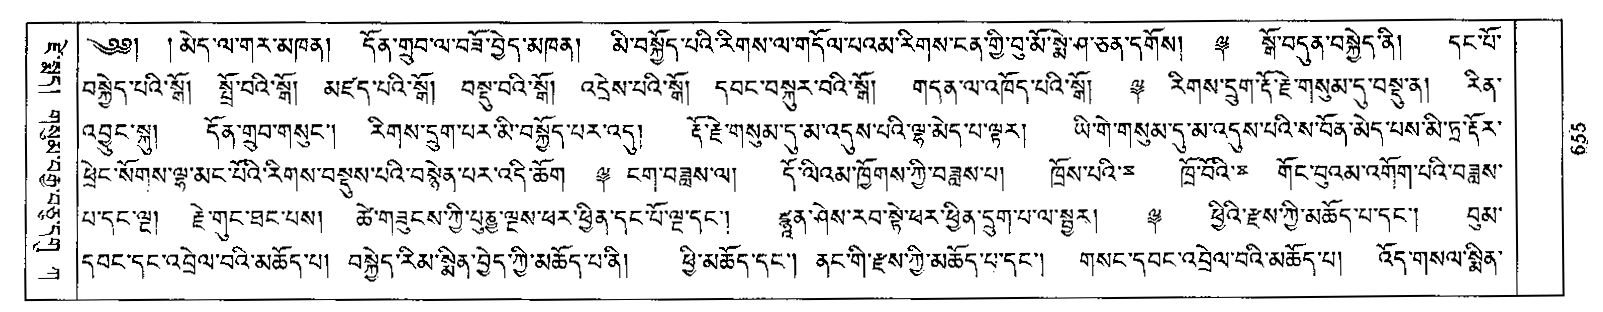༄༅། །མེད་ལ་གར་མཁན། དོན་གྲུབ་ལ་བཟོ་བྱེད་མཁན། མི་བསྐྱོད་པའི་རིགས་ལ་གདོལ་པའམ་རིགས་ངན་གྱི་བུ་མོ་སྨེ་ཤ་ཅན་དགོས། ༈ སྒོ་བདུན་བསྐྱེད་ནི། དང་པོ་
བསྐྱེད་པའི་སྒོ། སྤྲོ་བའི་སྒོ། མཛད་པའི་སྒོ། བསྡུ་བའི་སྒོ། འདྲེས་པའི་སྒོ། དབང་བསྐུར་བའི་སྒོ། གདན་ལ་འཁོད་པའི་སྒོ། ༈ རིགས་དྲུག་རྡོ་རྗེ་གསུམ་དུ་བསྡུ་ན། རིན་
འབྱུང་སྐུ། དོན་གྲུབ་གསུང་། རིགས་དྲུག་པར་མི་བསྐྱོད་པར་འདུ། རྡོ་རྗེ་གསུམ་དུ་མ་འདུས་པའི་ལྷ་མེད་པ་ལྟར། ཡི་གེ་གསུམ་དུ་མ་འདུས་པའི་ས་བོན་མེད་པས་མི་ཏྲ་རྡོར་
ཕྲེང་སོགས་ལྷ་མང་པོའི་རིགས་བསྡུས་པའི་བསྙེན་པར་འདི་ཆོག ༈ ངག་བཟླས་ལ། དོ་ལིའམ་ཁྱོགས་ཀྱི་བཟླས་པ། ཁྲོས་པའི་྾་ཁྲོ་བོའི་྾་གོང་བུའམ་འགོག་པའི་བཟླས་
པ་དང་ལྔ། རྗེ་གུང་ཐང་པས། ཚེ་གཟུངས་ཀྱི་པུནྱ་ལྔས་ཕར་ཕྱིན་དང་པོ་ལྔ་དང་། ཛྙཱན་ཤེས་རབ་སྟེ་ཕར་ཕྱིན་དྲུག་པ་ལ་སྦྱར། ༈ ཕྱིའི་རྫས་ཀྱི་མཆོད་པ་དང་། བུམ་
དབང་དང་འབྲེལ་བའི་མཆོད་པ། བསྐྱེད་རིམ་སྨིན་བྱེད་ཀྱི་མཆོད་པ་ནི། ཕྱི་མཆོད་དང་། ནང་གི་རྫས་ཀྱི་མཆོད་པ་དང་། གསང་དབང་འབྲེལ་བའི་མཆོད་པ། འོད་གསལ་སྨིན་